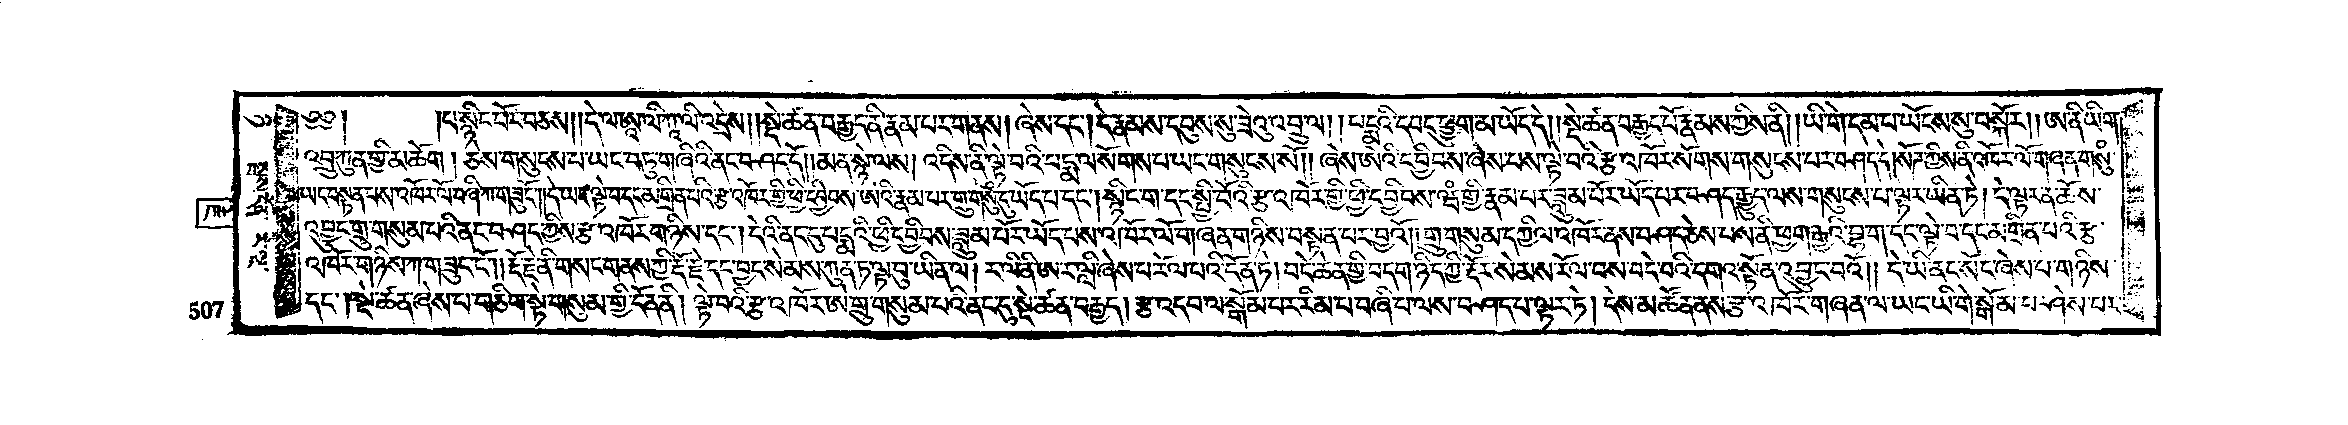༄༅། །པ་སྙིང་པོར་བཅས། །དེ་ལ་ཨཱ་ལི་ཀཱ་ལི་འདྲེས། །སྡེ་ཚན་བརྒྱད་ནི་རྣམ་པར་གནས། ཞེས་དང་། དེ་རྣམས་དབུས་སུ་ཟེའུ་འབྲུ་ལ། །པདམའི་དབང་ཕྱུག་མ་ཡོད་དེ། །སྡེ་ཚན་བརྒྱད་པོ་རྣམས་ཀྱིས་ནི། །ཡི་གེ་དམ་པ་ཡོངས་སུ་བསྐོར། །ཨ་ནི་ཡིག་
འབྲུ་ཀུན་གྱི་མཆོག །ཅེས་གསུངས་པ་ཡང་བཏུ་གཞིའི་ནང་བཤད་དོ། །མན་སྙེ་ལས། འདིས་ནི་ལྟེ་བའི་པདམ་ལ་སོགས་པ་ཡང་གསུངས་སོ། །ཞེས་ཨེའི་དབྱིབས་ཞེས་པས་ལྟེ་བའི་རྩ་འཁོར་སོགས་གསུངས་པར་བཤད་དེ། སོགས་ཀྱིས་ནི་འཁོར་ལོ་གཞན་གསུམ་
ཡང་བསྟན་པས་འཁོར་ལོ་བཞི་ཀ་གཟུང་ངོ། །དེ་ཡང་ལྟེ་བ་དང་མགྲིན་པའི་རྩ་འཁོར་གྱི་ཕྱི་དབྱིབས་ཨེའི་རྣམ་པར་གྲུ་གསུམ་དུ་ཡོད་པ་དང་། སྙིང་ག་དང་སྤྱི་བོའི་རྩ་འཁོར་གྱི་ཕྱི་དབྱིབས་ཝཾ་གྱི་རྣམ་པར་ཟླུམ་པོར་ཡོད་པར་བཤད་རྒྱུད་ལས་གསུངས་པ་ལྟར་ཡིན་ཏེ། དེ་ལྟར་ན་ཆོས་
འབྱུང་གྲུ་གསུམ་པའི་ནང་བཤད་ཀྱིས་རྩ་འཁོར་གཉིས་དང་། དེའི་ནང་དུ་པདམའི་ཕྱི་དབྱིབས་ཟླུམ་པོར་ཡོད་པས་འཁོར་ལོ་གཞན་གཉིས་བསྟན་པར་བྱའོ། །གྲུ་གསུམ་དཀྱིལ་འཁོར་ནས་བཤད་ཅེས་པས་ནི་ཕྱག་རྒྱའི་བྷ་ག་དང་ལྟེ་བ་དང་མགྲིན་པའི་རྩ་
འཁོར་གཉིས་ཀ་གཟུང་ངོ། །རྡོ་རྗེ་ནི་གསང་གནས་ཀྱི་རྡོ་རྗེ་དང་བྱང་སེམས་ཀུན་ཏ་ལྟ་བུ་ཡིན་ལ། ར་ལི་ནི་ཨ་ར་ལླི་ཞེས་པ་རོལ་པའི་དོན་ཏེ། བདེ་ཆེན་གྱི་བདག་ཉིད་ཀྱི་རྡོར་སེམས་རོལ་བས་བདེ་བའི་དགའ་སྟོན་འབྱུང་བའོ། །དེ་ཡི་ནང་སོང་ཞེས་པ་གཉིས་
དང་། སྡེ་ཚན་ཞེས་པ་གཅིག་སྟེ་གསུམ་གྱི་དོན་ནི། ལྟེ་བའི་རྩ་འཁོར་ཨེ་གྲུ་གསུམ་པའི་ནང་དུ་སྡེ་ཚན་བརྒྱད། རྩ་འདབ་ལ་སྒོམ་པར་རིམ་པ་བཞི་པ་ལས་བཤད་པ་ལྟར་ཏེ། དེས་མཚོན་ནས་རྩ་འཁོར་གཞན་ལ་ཡང་ཡི་གེ་སྒོམ་པ་ཤེས་པར་